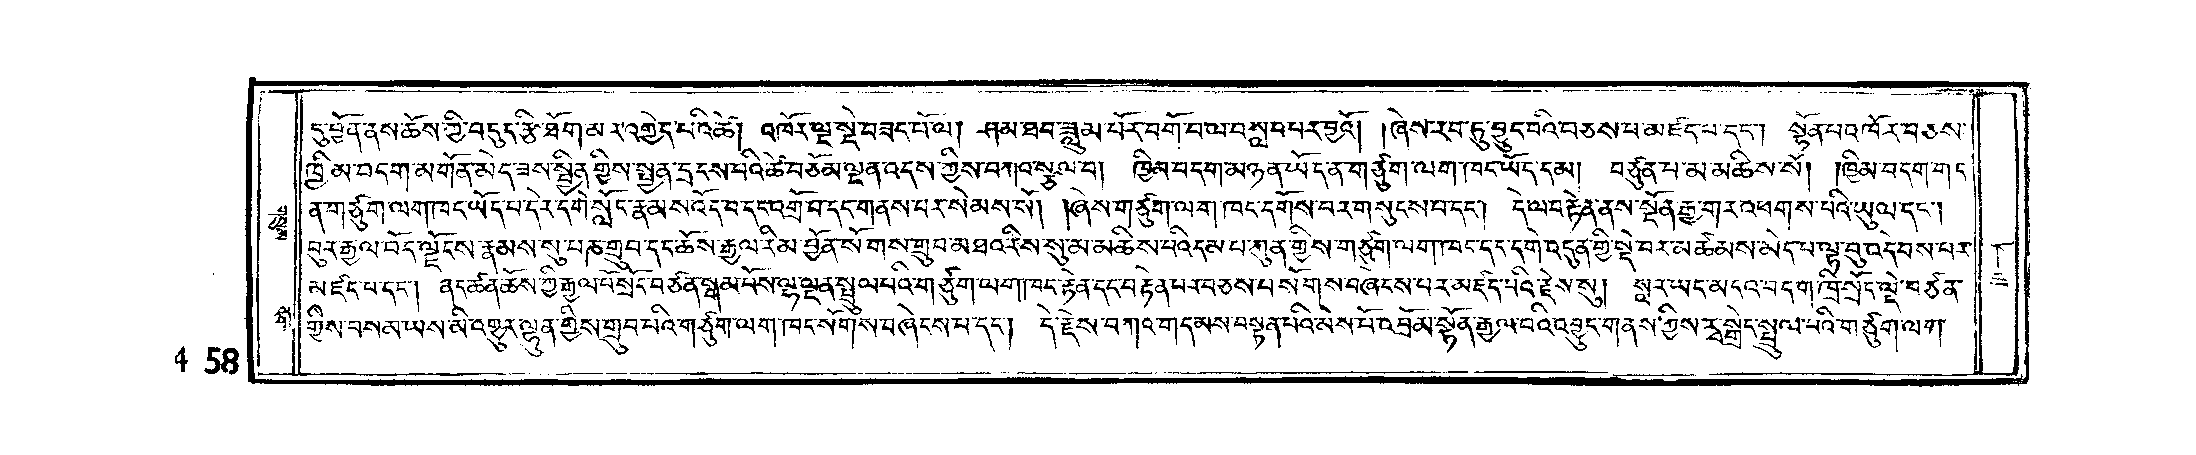དུ་བྱོན་ནས་ཆོས་ཀྱི་བདུད་རྩི་ཐོག་མར་འགྱེད་པའི་ཚེ། འཁོར་ལྔ་སྡེ་བཟང་པོ་ལ། ཤམ་ཐབ་ཟླུམ་པོར་བགོ་བ་ལ་བསླབ་པར་བྱའོ། །ཞེས་རབ་ཏུ་བྱུང་བའི་བཅས་པ་མཛད་པ་དང་། སྟོན་པ་འཁོར་བཅས་
ཁྱིམ་བདག་མགོན་མེད་ཟས་སྦྱིན་གྱིས་སྤྱན་དྲངས་པའི་ཚེ་བཅོམ་ལྡན་འདས་ཀྱིས་བཀའ་སྩལ་བ། ཁྱིམ་བདག་མཉན་ཡོད་ན་གཙུག་ལག་ཁང་ཡོད་དམ། བཙུན་པ་མ་མཆིས་སོ། །ཁྱིམ་བདག་གང་
ན་གཙུག་ལག་ཁང་ཡོད་པ་དེར་དགེ་སློང་རྣམས་འོད་བ་དང་འགྲོ་བ་དང་གནས་པར་སེམས་སོ། །ཞེས་གཙུག་ལག་ཁང་དགོས་པར་གསུངས་པ་དང་། དེ་ལ་བརྟེན་ནས་སྔོན་རྒྱ་གར་འཕགས་པའི་ཡུལ་དང་།
བུར་རྒྱལ་བོད་ལྗོངས་རྣམས་སུ་པཎ་གྲུབ་དང་ཆོས་རྒྱལ་རིམ་བྱོན་སོགས་གྲུབ་མཐའ་རིས་སུ་མ་མཆིས་པའི་དམ་པ་ཀུན་གྱིས་གཙུག་ལག་ཁང་དང་དགེ་འདུན་གྱི་སྡེ་བར་མཚམས་མེད་པ་ལྟ་བུ་འདེབས་པར་
མཛད་པ་དང་། ནང་ཚན་ཆོས་ཀྱི་རྒྱལ་པོ་སྲོང་བཙན་སྒམ་པོས་ལྷ་ལྡན་སྤྲུལ་པའི་གཙུག་ལག་ཁང་རྟེན་དང་བརྟེན་པར་བཅས་པ་སོགས་བཞེངས་པར་མཛད་པའི་རྗེས་སུ། སླར་ཡང་མངའ་བདག་ཁྲི་སྲོང་ལྡེ་བཙན་
གྱིས་བསམ་ཡས་མི་འགྱུར་ལྷུན་གྱིས་གྲུབ་པའི་གཙུག་ལག་ཁང་སོགས་བཞེངས་པ་དང་། དེ་རྗེས་བཀའ་གདམས་བསྟན་པའི་མེས་པོ་འབྲོམ་སྟོན་རྒྱལ་བའི་འབྱུང་གནས་ཀྱིས་རྭ་སྒྲེང་སྤྲུལ་པའི་གཙུག་ལག་